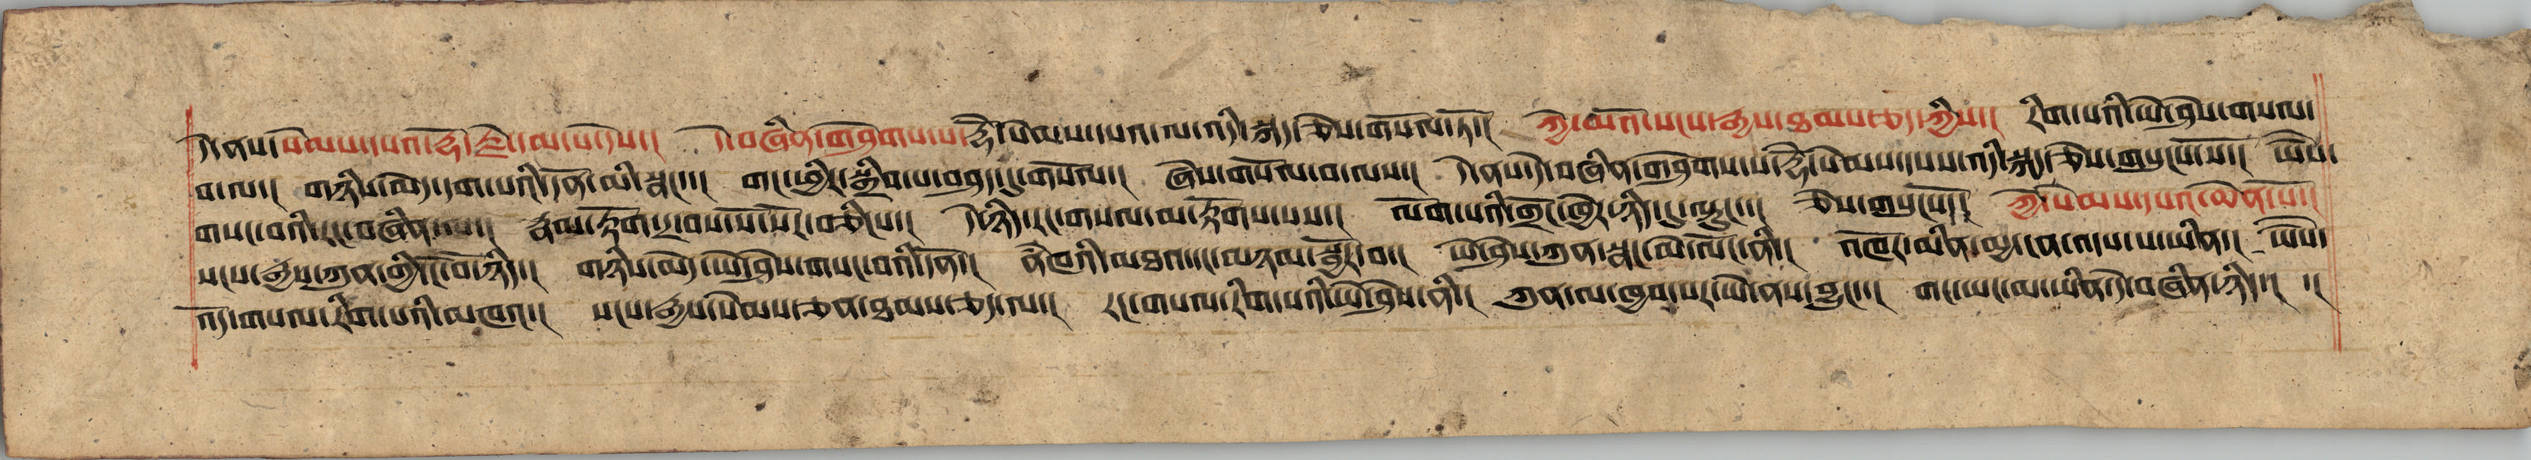དེ་ནས་སེམས་དཔའ་རྡོ་རྗེ་དམ་པ་དེས་། དེ་བཞིན་གཤེགས་པ་རྡོེ་སེམས་དཔའ་ལ་འདི་སྐད་ཅེས་གསོལ་ཏོ་། ཀྱེ་མའོ་སངས་རྒྱས་ཐམས་ཅད་ཀྱིས་། རིག་པའི་ཡེ་ཤེས་གསལ་
བ་ལ་། གཉིས་མེད་དག་པའི་དོན་མི་སྣང་་། གང་ཕྱིར་སྒྲིབ་པ་བཤད་དུ་གསོལ་། ཤེས་གསོལ་བ་ལས་། དེ་ནས་དེ་བཞིན་གཤེགས་པ་རྡོེ་སེམས་དཔས་འདི་སྐད་ཅེས་གསུངས་སོ་། ཡཻས་
གསང་བའི་རང་བཞིན་ལ་། རྣམ་རྟོག་དྲྲ་བས་སོ་སོར་བཅིངས་། དེ་ཉིད་རང་གསལ་མ་རྟོགས་པས་། ལོག་པའི་གྲོང་ཁྱེར་ཉིད་དུ་ལྟུང་་། ཅེས་གསུངསོ་། ཀྱེ་སེམས་དཔའ་ཆེན་པོ་།
སངས་རྒྱས་ཀུན་གྱི་ངོ་བོ་ཉིད་། གཉིས་མེད་ཡེ་ཤེས་གསང་བའི་དོན་། ནཾཁའི་མཐའ་དང་མཉམ་སྦྱོར་བ་། ཡེ་ཤེས་ཀུན་སྣང་མེ་ལོང་ནི་། འཁོར་མིན་མྱ་ངན་འདས་པ་ཡིན་། ཡཻས་
འོད་གསལ་རིག་པའི་མཁའ་། སངས་རྒྱས་སེམས་ཅན་ཐམས་ཅད་ལ་། རང་གསལ་རིག་པའི་ཡེ་ཤེས་ནི་། ཀུན་ལ་ཁྱབ་པར་ཡེ་ནས་བྱུང་་། གང་ཡང་མ་ཡིན་དེ་བཞིན་ཉིད་།